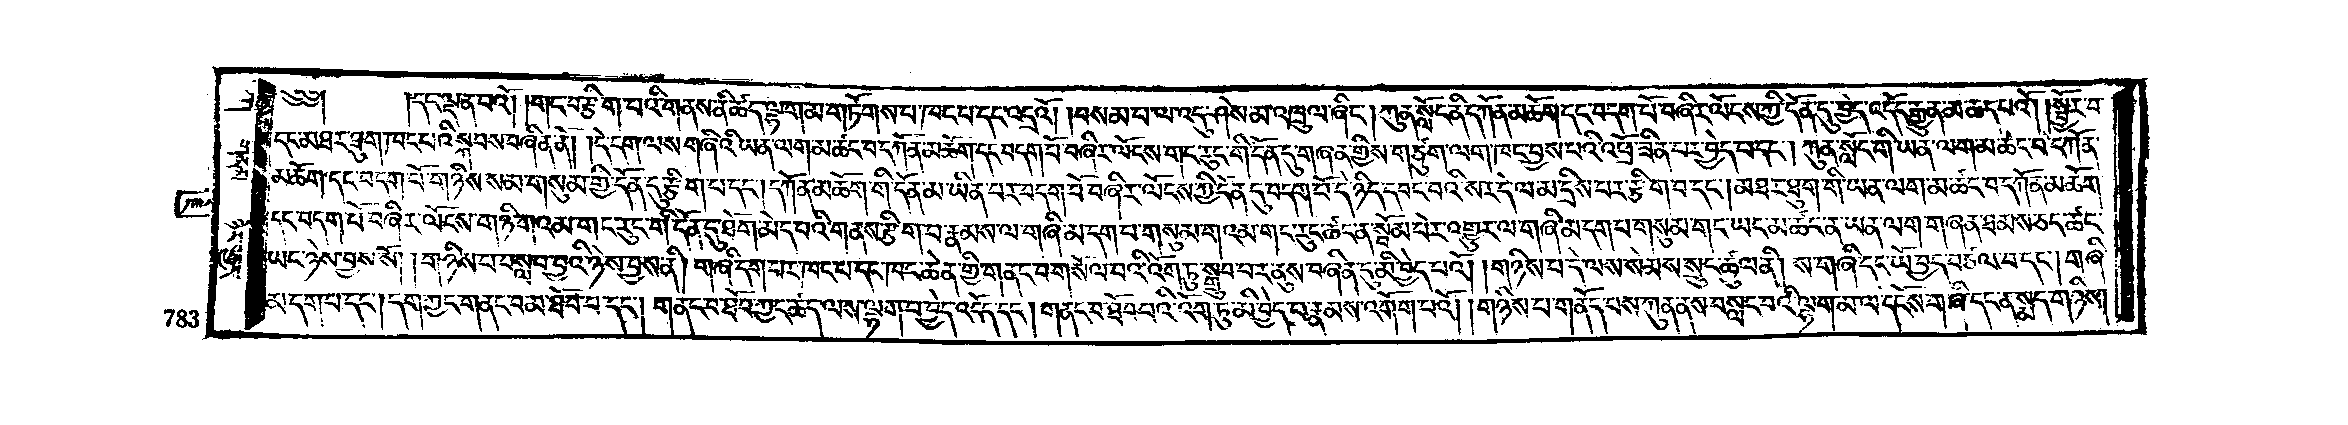༄༅། །དང་ལྡན་པའོ། །གང་བརྩིག་པའི་གནས་ནི་ཚད་ལྷག་མ་གཏོགས་པ་ཁང་པ་དང་འདྲའོ། །བསམ་པ་ལ་འདུ་ཤེས་མ་འཁྲུལ་ཞིང་། ཀུན་སློང་ནི་དཀོན་མཆོག་དང་བདག་པོ་བཞིར་ལོངས་ཀྱི་དོན་དུ་བྱེད་འདོད་རྒྱུན་མ་ཆད་པའོ། །སྦྱོར་བ་
དང་མཐར་ཐུག་ཁང་པའི་སྐབས་བཞིན་ནོ། །དེ་དག་ལས་གཞིའི་ཡན་ལག་མ་ཚང་བ་དཀོན་མཆོག་དང་བདག་པོ་བཞིར་ལོངས་གང་རུང་གི་དོན་དུ་གཞན་གྱིས་གཙུག་ལག་ཁང་བྱས་པའི་འཕྲོ་ཟིན་པར་བྱེད་པ་དང་། ཀུན་སློང་གི་ཡན་ལག་མ་ཚང་བ་དཀོན་
མཆོག་དང་བདག་པོ་གཉིས་སམ་གསུམ་གྱི་དོན་དུ་རྩིག་པ་དང་། དཀོན་མཆོག་གི་དོན་མ་ཡིན་པར་བདག་པོ་བཞིར་ལོངས་ཀྱི་དོན་དུ་བདག་པོ་དེ་ཉིད་དབང་བའི་སར་དེ་ལ་མ་དྲིས་པར་རྩིག་པ་དང་། མཐར་ཐུག་གི་ཡན་ལག་མ་ཚང་བ་དཀོན་མཆོག་
དང་བདག་པོ་བཞིར་ལོངས་གཉི་གའམ་གང་རུང་གི་དོན་དུ་ཐོག་མེད་པའི་གནས་རྩིག་པ་རྣམས་ལ་གཞི་མ་དག་པ་གསུམ་གའམ་གང་རུང་ཚང་ན་སྦོམ་པོར་འགྱུར་ལ་གཞི་མ་དག་པ་གསུམ་གང་ཡང་མ་ཚང་ན་ཡན་ལག་གཞན་ཐམས་ཅད་ཚང་
ཡང་ཉེས་བྱས་སོ། །གཉིས་པ་བསླབ་བྱའི་ཉེས་བྱས་ནི། གཞི་དག་པར་ཁང་པ་དང་ཁང་ཆེན་གྱི་གནང་བ་གསོལ་བའི་འོག་ཏུ་སྒྲུབ་པར་ནུས་བཞིན་དུ་མི་བྱེད་པའོ། །གཉིས་པ་དེ་ལས་སེམས་སྲུང་ཚུལ་ནི། ས་གཞི་དང་ཡོ་བྱད་བཙལ་བ་དང་། གཞི་
མ་དག་པ་དང་། དག་ཀྱང་གནང་བ་མ་ཐོབ་པ་དང་། གནང་བ་ཐོབ་ཀྱང་ཚད་ལས་ལྷག་པ་བྱེད་འདོད་དང་། གནང་བ་ཐོབ་པའི་འོག་ཏུ་མི་བྱེད་པ་རྣམས་འགོག་པའོ། །གཉིས་པ་གནོད་པས་ཀུན་ནས་བསླངས་བའི་ལྷག་མ་ལ་དངོས་བཞི་དང་ན་སྨད་གཉིས།